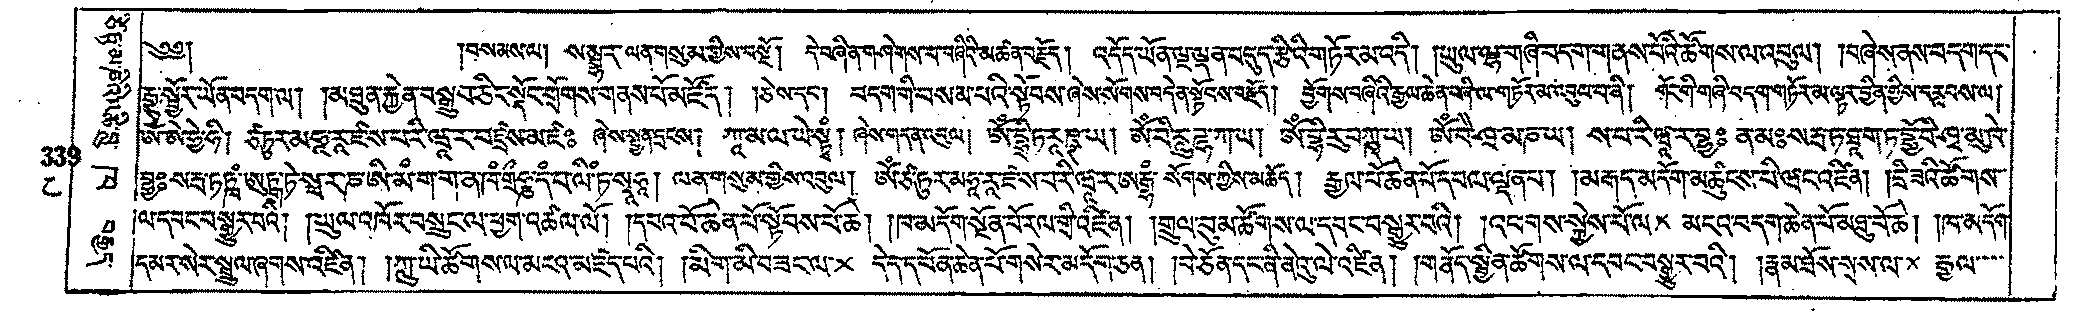༄༅། །བསམས་ལ། སམྦྷ་ར་ལན་གསུམ་གྱིས་བསྔོ། དེ་བཞིན་གཤེགས་པ་བཞིའི་མཚན་བརྗོད།  འདོད་ཡོན་ལྔ་ལྡན་བདུད་རྩིའི་གཏོར་མ་འདི། །ཡུལ་ལྷ་གཞི་བདག་གནས་པོའི་ཚོགས་ལ་འབུལ། །བཞེས་ནས་བདག་དང་
རྒྱུ་སྦྱོར་ཡོན་བདག་ལ། །མཐུན་རྐྱེན་བསྒྲུབ་ཅིང་སྡོང་གྲོགས་གནས་པོ་མཛོད། ། ཅེས་དང། བདག་གི་བསམ་པའི་སྟོབས་ཞེས་སོགས་བདེན་སྟོབས་བརྗོད། ཕྱོགས་བཞིའི་རྒྱལ་ཆེན་བཞི་ལ་གཏོར་མ་འབུལ་བ་ནི། གོང་གི་གཞི་བདག་གཏོར་མ་ལྟར་བྱིན་གྱིས་བརླབས་ལ།
ཨོཾ་ཨེ་ཧྱེ་ཧི། ཙ་ཏུར་མྷཱ་རཱ་ཛ་ས་པ་རི་ཝཱ་ར་བྫྲ་ས་མ་ཛཿ ཞེས་སྤྱན་དྲངས།  ཀཱ་མ་ལ་ཡེ་སྟྭཾ། ཞེས་གདན་འབུལ།  ཨོཾ་དྷྲི་ཏ་རཱ་ཥྚ་ཡ། ཨོཾ་བི་རཱུ་ཌྷ་ཀ་ཡ། ཨོཾ་བྷི་རུ་བཀྵ་ཡ། ཨོཾ་བཻ་ཤྲ་མ་ཎ་ཡ། ས་པ་རི་ཝཱ་ར་བྷྱཿ ན་མཿ སརྦ་ཏ་ཐཱ་ག་ཏ་བྷྱོ་བི་ཤྭ་མུ་ཁེ་
བྷྱཿ སརྦ་ཏཏྑཾ་ཏེ་སྥ་ར་ཎ་ཨི་མཾ་ག་ག་ན་ཁཾ་གྲྀཧྞ་དཾ་བ་ལིཾ་ཏ་སྭཱཧཱ། ལན་གསུམ་གྱིས་འབུལ།  ཨོཾ་ཙ་ཏུར་མཧཱ་རཱ་ཛ་ས་པ་རི་ཝཱ་ར་ཨརྒྷཾ་སོགས་ཀྱིས་མཆོད།  རྒྱལ་པོ་ཆེན་པོ་དཔལ་ལྡན་པ། །མྲྒད་མདོག་མཚུངས་པི་ཝང་འཛིན། །དྲི་ཟའི་ཚོགས་་་
ལ་དབང་བསྒྱུར་པའི། །ཡུལ་འཁོར་བསྲུང་ལ་ཕྱག་འཚལ་ལོ། །དཔའ་བོ་ཆེན་པོ་སྟོབས་པོ་ཆེ། །ཁ་མདོག་སྔོན་པོ་རལ་གྲི་འཛིན། །གྲུལ་བུམ་ཚོགས་ལ་དབང་བསྒྱུར་བའི། །འཕགས་སྐྱེས་པོ་ལ་྾་མངའ་བདག་ཆེན་པོ་མཐུ་བོ་ཆེ། །ཁ་མདོག་
དམར་སེར་སྦྲུལ་ཞགས་འཛིན། །ཀླུ་ཡི་ཚོགས་ལ་མངའ་མཛད་པའི། །མིག་མི་བཟང་ལ་྾་དེད་དཔོན་ཆེན་པོ་གསེར་མདོག་ཅན། །བེ་ཅོན་དང་ནི་ནེའུ་ལེ་འཛིན། །གནོད་སྦྱིན་ཚོགས་ལ་དབང་བསྒྱུར་བའི། །རྣམ་ཐོས་སྲས་ལ་྾་རྒྱལ་་་